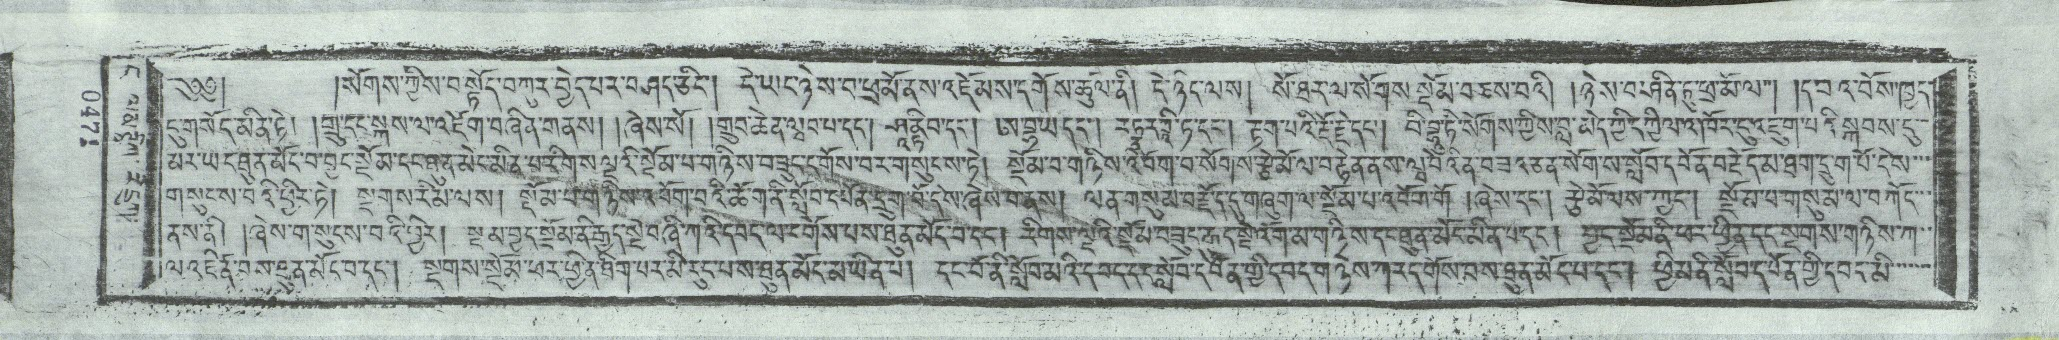༄༅། །སོགས་ཀྱིས་བསྟོད་བཀུར་བྱེད་པར་བཤད་ཅིང་། དེ་ཡང་ཉེས་བ་ཕྲ་མོ་ནས་འཇོམས་དགོས་ཚུལ་ནི། དེ་ཉིད་ལས། སོ་ཐར་ལ་སོགས་སྡོམ་བཅས་བའི། །ཉེས་བ་ཤིན་ཏུ་ཕྲ་རོ། །དབའ་བོས་ཁྱད་
དུ་གསོང་མིན་ཏོ། །གྲུ་དང་སྐས་ལ་འཛོག་བཞིན་གནས། །ཞེས་སོ། །གྲུབ་ཆེན་ལྭབ་པ་དང་། ཤཱནྟེ་བ་དང་། ཨ་བྷ་ཡ་དང་། རཏྣར་གྲི་ཏ་དང་། རྟག་པའི་རྡོ་རྗེ་དང་། བི་བྷུ་ཏི་སོགས་ཀྱིས་བླ་མེད་ཀྱི་དཀྱིལ་འཁོར་དུ་འཇུག་པའི་སྐབས་སུ་
མར་ཡང་ཐུན་མོང་བ་བྱང་སྡོམ་དང་ཐུན་མོང་མིན་པ་རིགས་ལྔའི་སྡོམ་པ་གཉིས་བཟུང་དོགས་བར་གསུངས་ཏེ། སྡོམ་བ་གཉིས་བོག་བ་སོགས་རྩེ་མོ་ལ་བརྟེན་ནས་ཝ་བའི་བཟའ་ཅན་སོགས་སློབ་དཔོན་བརྗོད་མ་ཐག་དྲུག་པོ་ངེས་
གསུངས་བའི་ཕྱིར་ཏེ། སྔགས་རིམ་ལས། སྡོམ་པ་གཉིས་འྤོག་བའི་ཆོ་ག་ནི་སློབ་དཔོན་དྲུག་བོ་དེས་ཞེས་བ་ནས། ལན་གསུམ་བརྗོད་དུ་གཞུག་ལ་སྡོམ་པ་འབོག་གོ །ཞེས་དང་། རྩེ་མོ་ལས་ཀྱང་། སྡོམ་པ་གསུམ་ལ་བཀོད་
ནས་ནི། །ཞེས་གསུངས་བའི་ཕྱིར། སྔ་མ་བྱད་སྡོམ་ནི་རྒྱད་སྡེ་བཞི་ཀའི་དབང་ལ་དགོས་པས་ཐུན་མོང་བ་དང་། རིགས་ལྔའི་སྡོམ་བཟུང་རྒྱུད་སྡེ་འོག་མ་གཉིས་དང་ཐུན་མོང་མིན་པ་དང་། བྱང་སྡོམ་ནི་ཕར་ཕྱིན་དང་སྔགས་གཉིས་ཀ་
ལ་འཛིན་བས་ཐུན་མོང་བ་དང་། སྔགས་སྡོམ་ཕར་ཕྱིན་ཐིག་པར་མི་རུང་པས་ཐུན་མོང་མ་ཡིན་པ། དང་བོ་ནི་སློབ་མའི་དབང་དང་སློབ་དཔོན་གྱི་དབང་གཉིས་ཀར་དགོས་བས་ཐུན་མོང་པ་དང་། ཕྱི་མ་ནི་སློབ་དཔོན་གྱི་དབང་མི་